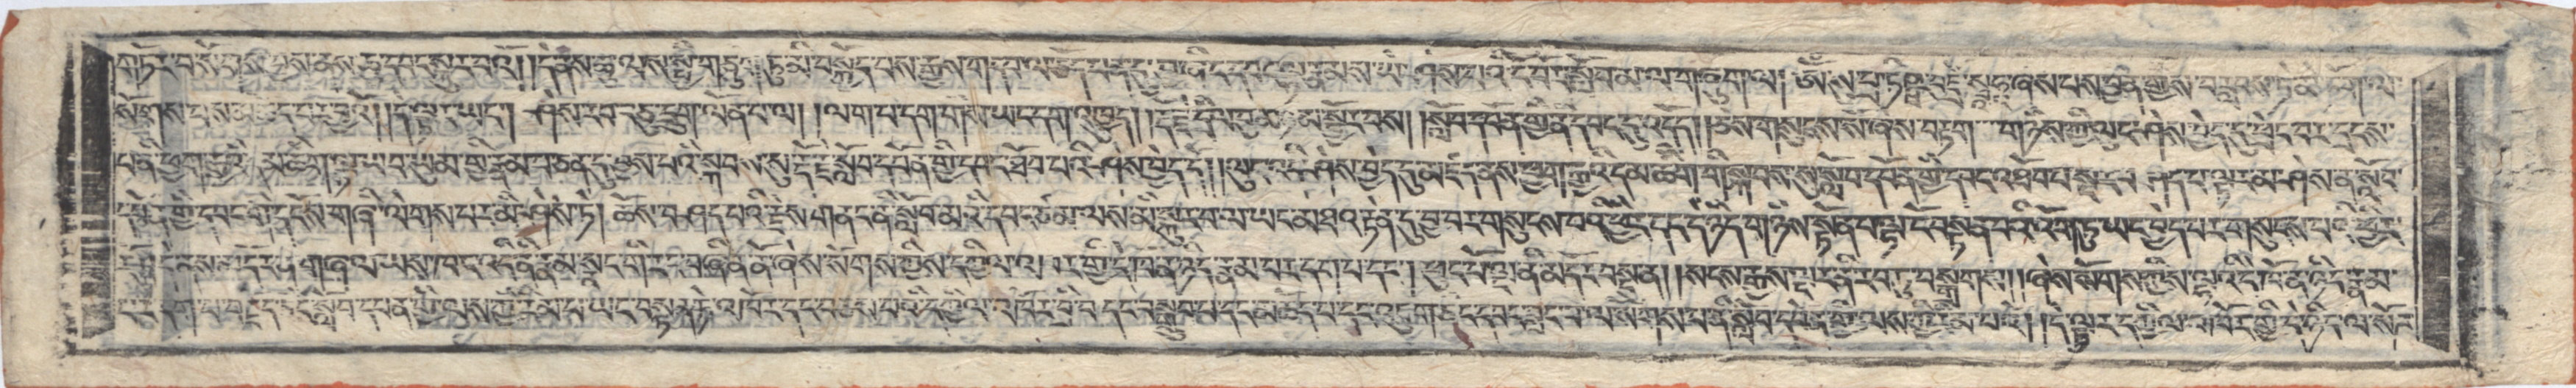གཏོར་བ་སོགས་བྱས་ནས་ཆུ་དབང་སྐུར་བའོ། །དེ་ནས་ཆུ་ལས་སྤྱི་གཙུག་ཏུ་མི་བསྐྱོད་པས་རྒྱས་གདབ་ལ་ཅོད་པན་དུ་བྱ་ཞིང་དབང་ལྷ་རྣམས་ཡེ་ཤེས་པའི་ངོ་བོར་སློབ་མ་ལ་གཞུག་ལ། ཨོཾ་སུ་པྲ་ཏིཥཊཿཨ་བཛྲི་སྭཱཧཱ་ཞེས་པས་བྱིན་གྱིས་བརླབས་ཏེ་མེ་ཏོག་ལ་
སོགས་པས་མཆོད་པར་བྱའོ། །དེ་ལྟར་ཡང་། ཤེས་རབ་བཅུ་དྲུག་ལོན་པ་ལ། །ལག་པ་དག་གིས་ཡང་དག་འཁྱུད། །རྡོ་རྗེ་དྲིལ་བུ་མཉམ་སྦྱོར་བས། །སློབ་དཔོན་གྱི་ནི་དབང་དུ་འདོད། །ཅེས་གསུངས་སོ་ཞེས་བརྟག་གཉིས་ཀྱི་ལུང་ཤེས་བྱེད་དུ་ཕྲེང་བར་དྲངས་
པ་ནི་ཕྱག་རྒྱའི་དམ་ཚིག་ལྷ་ཡབ་ཡུམ་གྱི་རྣམ་པ་ཅན་དུ་བྱས་པའི་སྐབས་སུ་རྡོ་རྗེ་སློབ་དཔོན་གྱི་དབང་ཐོབ་པའི་ཤེས་བྱེད་དོ། །ལུང་འདི་ཤེས་བྱེད་དུ་མཛད་ནས་ཕྱག་རྒྱའི་དམ་ཚིག་གི་སྐབས་སུ་སློབ་དཔོན་གྱི་དབང་འཐོབ་པ་སྔར་བཤད་པ་ལྟར་མ་ཤེས་ན་སློབ་
དཔོན་གྱི་དབང་གི་དངོས་གཞི་ལེགས་པར་མི་ཤེས་ཏེ། ཆོས་བཤད་པའི་རྗེས་གནང་ནི་སློབ་མའི་དབང་ཙམ་ལས་མི་སྐུར་བ་ལ་ཡང་མཐའ་རྟེན་དུ་བྱ་བར་གསུངས་པའི་ཕྱིར་དང་དེ་ཉིད་གཉིས་སྟོན་པ་ལྷ་ངོ་བསྟན་པའི་འོག་ཏུ་ཡང་བྱེད་པར་གསུངས་པའི་ཕྱིར་
རོ། །དེ་ནས་མདོར་ན་གཞལ་ཡས་ཁང་འདི་ནི་རྣམ་སྣང་གི་རང་བཞིན་ནོ་ཞེས་སོགས་ཀྱིས་དཀྱིལ་འཁོར་གྱི་དེ་ཁོ་ན་ཉིད་རྣམ་པར་དག་པ་དང་། ཕུང་པོ་ལྔ་ནི་མདོར་བསྡུ་ན། །སངས་རྒྱས་ལྔར་ནི་རབ་ཏུ་བསྒྲགས། །ཞེས་སོགས་ཀྱིས་ལྷའི་དེ་ཁོ་ན་ཉིད་རྣམ་
པར་དག་པ་བརྗོད་ཅིང་སློབ་དཔོན་གྱི་ལས་ཀྱི་རིམ་པ་ཡང་བསྟན་ཏེ་འཁོར་དང་བཅས་པའི་དཀྱིལ་འཁོར་བྲི་བ་དང་བསྒྲུབ་པ་དང་མཆོད་པ་དང་འཇུག་ཅིང་དབང་བླང་བ་ལ་སོགས་པ་ནི་སློབ་དཔོན་གྱི་ལས་ཀྱི་རིམ་པའོ། །དེ་ལྟར་དཀྱིལ་འཁོར་གྱི་དེ་ཉིད་ལ་སོག་